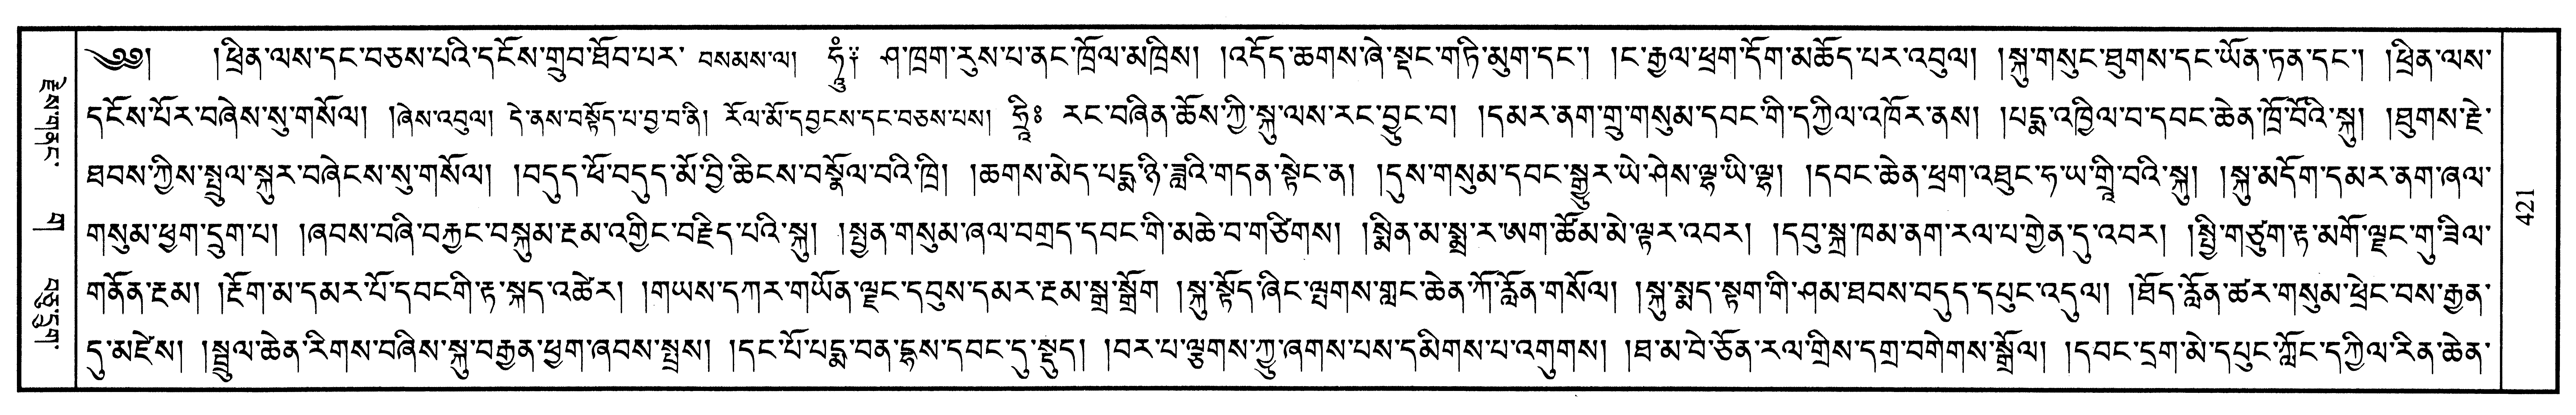༄༅། །ཕྲིན་ལས་དང་བཅས་པའི་དངོས་གྲུབ་ཐོབ་པར་བསམས་ལ། ཧཱུཾ༑ ཤ་ཁྲག་རུས་པ་ནང་ཁྲོལ་མཁྲིས། །འདོད་ཆགས་ཞེ་སྡང་གཏི་མུག་དང་། །ང་རྒྱལ་ཕྲག་དོག་མཆོད་པར་འབུལ། །སྐུ་གསུང་ཐུགས་དང་ཡོན་ཏན་དང་། །ཕྲིན་ལས་
དངོས་པོར་བཞེས་སུ་གསོལ། །ཞེས་འབུལ། དེ་ནས་བསྟོད་པ་བྱ་བ་ནི། རོལ་མོ་དབྱངས་དང་བཅས་པས། ཧྲཱིཿ རང་བཞིན་ཆོས་ཀྱི་སྐུ་ལས་རང་བྱུང་བ། །དམར་ནག་གྲུ་གསུམ་དབང་གི་དཀྱིལ་འཁོར་ནས། །པདམ་འཁྱིལ་བ་དབང་ཆེན་ཁྲོ་བོའི་སྐུ། །ཐུགས་རྗེ་
ཐབས་ཀྱིས་སྤྲུལ་སྐུར་བཞེངས་སུ་གསོལ། །བདུད་ཕོ་བདུད་མོ་བྱི་ཆིངས་བསྣོལ་བའི་ཁྲི། །ཆགས་མེད་པདམ་ཉི་ཟླའི་གདན་སྟེང་ན། །དུས་གསུམ་དབང་སྒྱུར་ཡེ་ཤེས་ལྷ་ཡི་ལྷ། །དབང་ཆེན་ཕྲག་ཐུང་ཧ་ཡ་གྲཱི་བའི་སྐུ། །སྐུ་མདོག་དམར་ནག་ཞལ་
གསུམ་ཕྱག་དྲུག་པ། །ཞབས་བཞི་བརྐྱང་བསྐུམ་རྔམ་འགྱིང་བརྗིད་པའི་སྐུ། །སྤྱན་གསུམ་ཞལ་བགྲད་དབང་གི་མཆེ་བ་གཙིགས། །སྨིན་མ་སྨྲ་ར་ཨག་ཚོམ་མེ་ལྟར་འབར། །དབུ་སྐྲ་ཁམ་ནག་རལ་པ་གྱེན་དུ་འབར། །སྤྱི་གཙུག་རྟ་མགོ་ལྗང་གུ་ཟིལ་
གནོན་རྔམ། །རྔོག་མ་དམར་པོ་དབང་གི་རྟ་སྐད་འཚེར། །གཡས་དཀར་གཡོན་ལྗང་དབུས་དམར་རྔམ་སྒྲ་སྒྲོག །སྐུ་སྟོད་ཞིང་ལྤགས་གླང་ཆེན་ཀོ་རློན་གསོལ། །སྐུ་སྨད་སྟག་གི་ཤམ་ཐབས་བདུད་དཔུང་འདུལ། །ཐོད་རློན་ཚར་གསུམ་ཕྲེང་བས་རྒྱན་
དུ་མཛེས། །སྦྲུལ་ཆེན་རིགས་བཞིས་སྐུ་བརྒྱན་ཕྱག་ཞབས་སྤྲས། །དང་པོ་པདམ་བན་དྷས་དབང་དུ་སྡུད། །བར་པ་ལྕགས་ཀྱུ་ཞགས་པས་དམིགས་པ་འགུགས། །ཐ་མ་བེ་ཅོན་རལ་གྲིས་དགྲ་བགེགས་སྒྲོལ། །དབང་དྲག་མེ་དཔུང་ཀློང་དཀྱིལ་རིན་ཆེན་